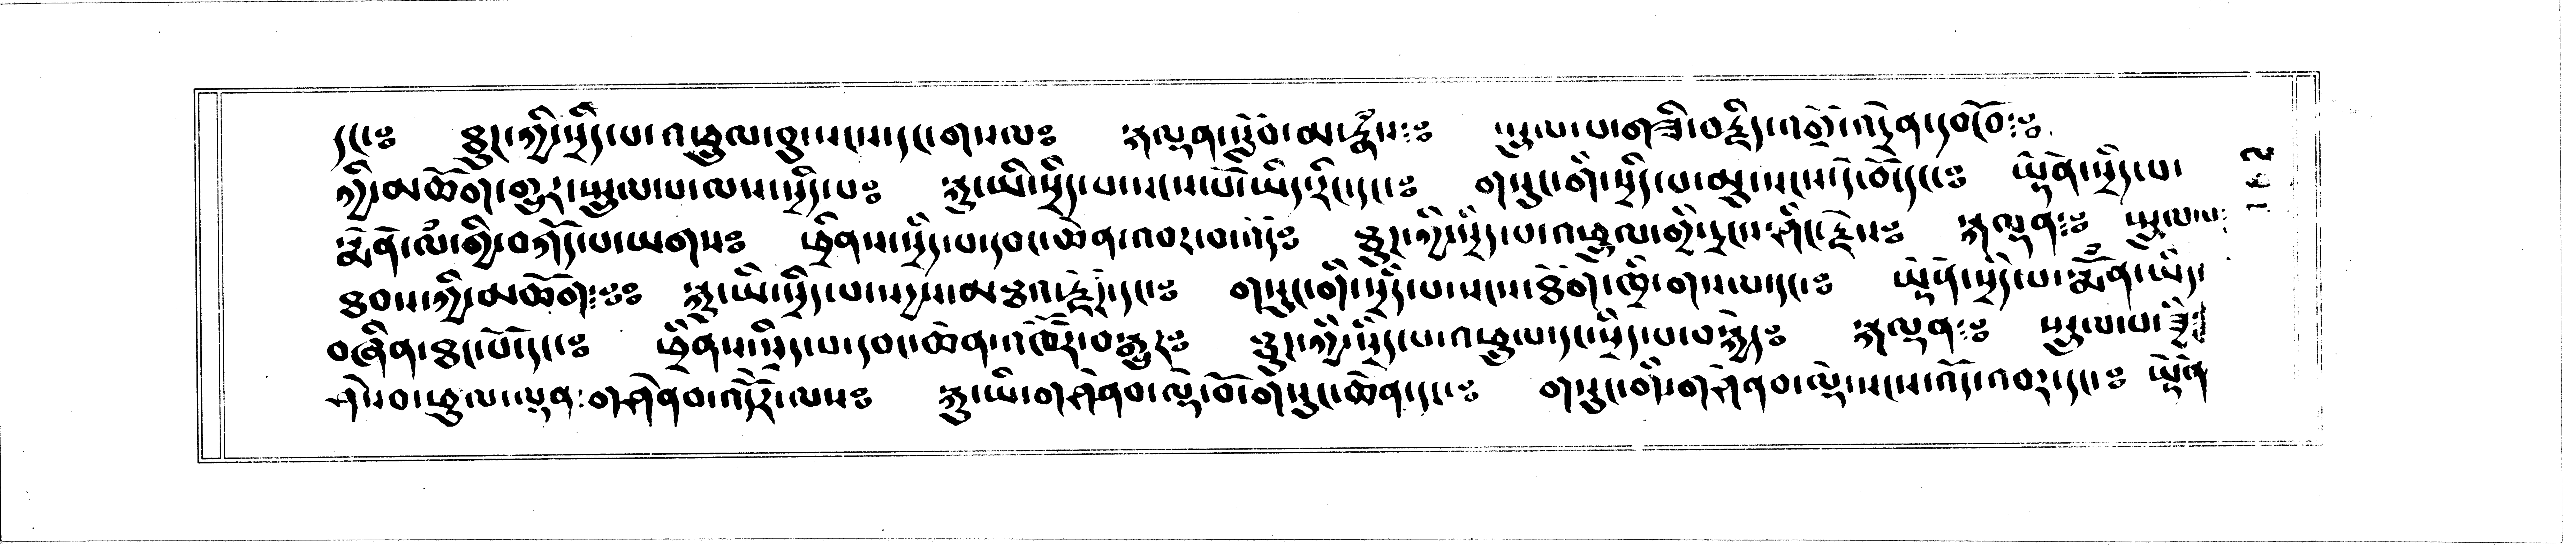ཐུགས་ཀྱི་སྲིད་པ་འཕྲུལ་བུ་སངས་གསལཿ སྐལ་ལྡན་སློབ་མ་རྣམས་ལ་དབང་བསྐུར་བསཿ སྤྲུལ་པ་གཟི་བརྗིད་འགྲོ་འདྲེན་དབང་ཐོབ་ཤོགཿ ཐབས་
ཀྱི་མཆོག་གྱུར་སྤྲུལ་པ་ལས་སྲིད་པཿ སྐུ་ཡི་སྲིད་པ་སངས་པོ་ཡིད་རིང་དངཿ གསུང་གི་སྲིད་པ་མུ་སངས་དེ་བོ་དངཿ ཡོན་ཏན་གྱི་སྲིད་པ་
སྨོན་ལམ་གྱི་བཀོད་པ་ཡགཿ ཕྲིན་ལས་ཀྱི་སྲིད་པ་དབང་ཆེན་འབར་བ་འོདཿ ཐུགས་ཀྱི་སྲིད་པ་འཕྲུལ་གྱི་དྲང་ཤིང་རྗེསཿ སྐལ་ལྡན་སློབ་མ་རྣམས་ལ་དབང་བསྐུར་བསཿ སྤྲུལ་པ་གཟི་བརྗིད་འགྲོ་འདྲེན་དབང་ཐོབ་ཤོགཿ 
ཐབས་ཀྱི་མཆོག་གྱུར་སྤྲུལ་པ་ལས་སྲིད་པཿ སྐུ་ཡི་སྲིད་པ་སངས་རྒྱས་མཐར་རྫོགས་དངཿ གསུང་གི་སྲིད་པ་སངས་ཐོག་ཁྲི་གསལ་དངཿ ཡོན་ཏན་གྱི་སྲིད་པ་སྨོན་ལམ་ཡིད་
བཞིན་ཐང་པོ་དངཿ ཕྲིན་ལས་ཀྱི་སྲིད་པ་དབང་ཆེན་འཁོར་ལོ་སྒྱུརཿ ཐུགས་ཀྱི་སྲིད་པ་འཕྲུལ་དང་སྲིད་པ་བསྐྱེདཿ སྐལ་ལྡན་སློབ་མ་རྣམས་ལ་དབང་བསྐུར་བསཿ སྤྲུལ་པ་གཟི་བརྗིད་འགྲོ་འདྲེན་དབང་ཐོབ་ཤོགཿ 
ཤེས་རབ་ཕུལ་ལྡན་གཤེན་རབ་འོད་ཟེར་ལསཿ སྐུ་ཡི་གཤེན་རབ་ལྡེ་བོ་གསུང་ཆེན་དངཿ གསུང་གི་གཤེན་རབ་ལྡེ་གསང་འོད་འབར་དངཿ ཡོན་ཏན་